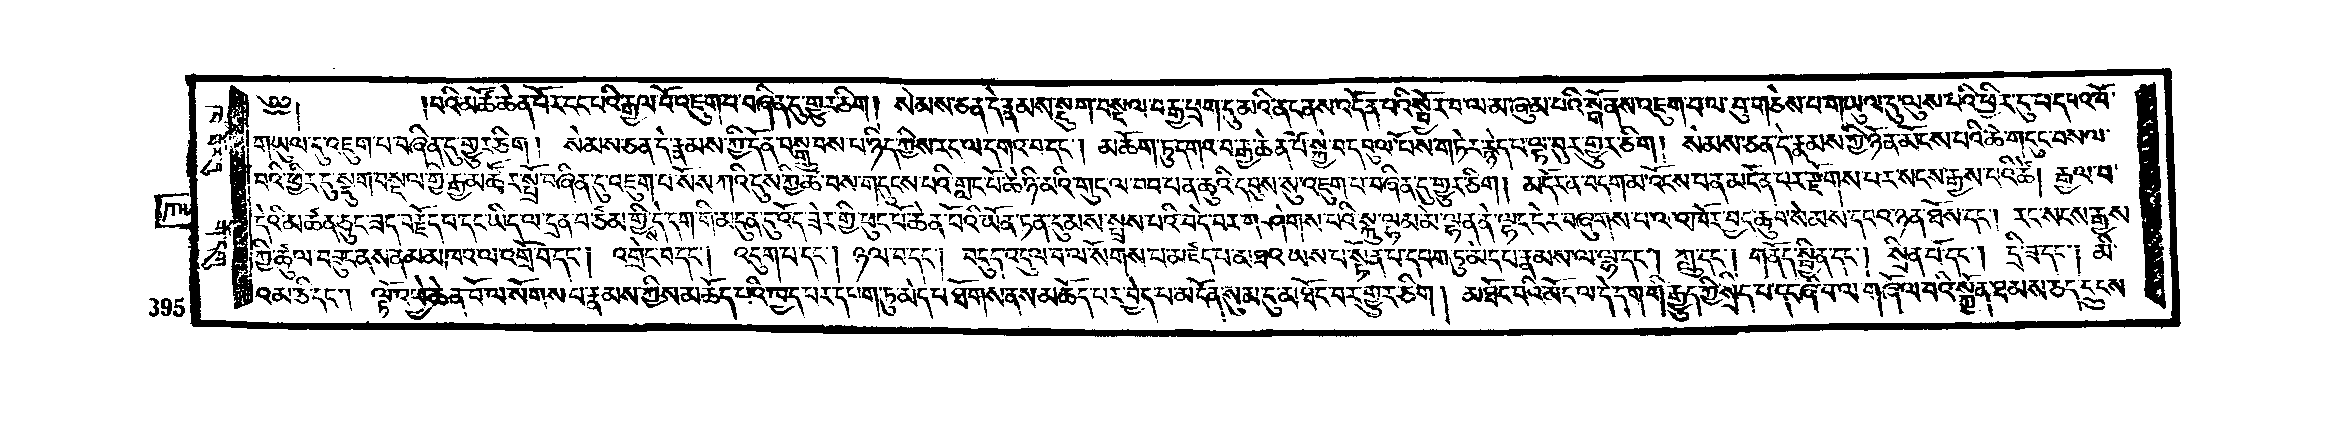༄༅། །བའི་མཚོ་ཆེན་པོར་དང་བའི་རྒྱལ་པོ་འཇུག་པ་བཞིན་དུ་གྱུར་ཅིག། སེམས་ཅན་དེ་རྣམས་སྡུག་བསྔལ་བརྒྱ་ཕྲག་དུ་མའི་ནང་ནས་འདོན་པའི་སྦྱོར་བ་ལ་མ་ཞུམ་པའི་སྒོ་ནས་འཇུག་པ་ལ་བུ་གཅེས་པ་གཡུལ་དུ་ལུས་པའི་ཕྱིར་དུ་ཕ་དཔའ་བོ་
གཡུལ་དུ་འཇུག་པ་བཞིན་དུ་གྱུར་ཅིག། སེམས་ཅན་དེ་རྣམས་ཀྱི་དོན་བསྒྲུབས་པ་ཉིད་ཀྱིས་རང་ལ་དགའ་བ་དང་། མཆོག་ཏུ་དགའ་བ་རྒྱ་ཆེན་པོ་སྐྱེ་བ་དབུལ་པོས་གཏེར་རྙེད་པ་ལྟ་བུར་གྱུར་ཅིག། སེམས་ཅན་དེ་རྣམས་ཀྱི་ཉོན་མོངས་པའི་ཆེ་གདུང་བསལ་
བའི་ཕྱིར་དུ་སྡུག་བསྔལ་གྱི་རྒྱ་མཚོར་སྤྲོ་བཞིན་དུ་འཇུག་པ་སོགས་ཀའི་དུས་ཀྱི་ཚ་བས་གདུངས་པའི་གླང་པོ་ཆེ་ཉི་མའི་གུང་ལ་བབ་པ་ན་ཆུའི་དབུས་སུ་འཇུག་པ་བཞིན་དུ་གྱུར་ཅིག། མདོར་ན་བདག་མ་འོངས་པ་ན་མངོན་པར་རྫོགས་པར་སངས་རྒྱས་པའི་ཚེ། རྒྱལ་བ་
དེའི་མཚན་ཅུང་ཟད་བརྗོད་པ་དང་ཡིད་ལ་དྲན་པ་ཙམ་གྱིས་དེ་དག་གི་མདུན་དུ་འོད་ཟེར་གྱི་ཕུང་པོ་ཆེན་པོའི་ཡོན་ཏན་དུ་མས་སྤྲས་པའི་བདེ་བར་གཤེགས་པའི་སྐུ་ལྷམ་མེ་ལྷན་ནེ་ལྷང་ངེར་བཞུགས་པ་ལ་འཁེར་བྱང་ཆུབ་སེམས་དཔའ་ཉན་ཐོས་དང་། རང་སངས་རྒྱས་
ཀྱི་ཚུལ་བཟུང་ནས་ནམ་མཁའ་ལ་འགྲོ་བ་དང་། འགྲེང་བ་དང་། འདུག་པ་དང་། ཉལ་བ་དང་། བདུད་འདུལ་བ་ལ་སོགས་པ་མཛད་པ་མཐའ་ཡས་པ་སྟོན་པ་དཔག་ཏུ་མེད་པ་རྣམས་ལ་ལྷ་དང་། ཀླུ་དང་། གནོད་སྦྱིན་དང་། སྲིན་པོ་དང་། དྲི་ཟ་དང་། མི་
འམ་ཅི་དང་། ལྟོ་འཕྱེ་ཆེན་པོ་ལ་སོགས་པ་རྣམས་ཀྱིས་མཆོད་པའི་ཁྱད་པར་དཔག་ཏུ་མེད་པ་ཐོགས་ནས་མཆོད་པར་བྱེད་པ་མངོན་སུམ་དུ་མཐོང་བར་གྱུར་ཅིག། མཐོང་བའི་མོད་ལ་དེ་དག་གི་རྒྱུད་ཀྱི་སྲིད་པ་དང་ཞི་བ་ལ་གཞོལ་བའི་སྐྱོན་ཐམས་ཅད་དྲུངས་